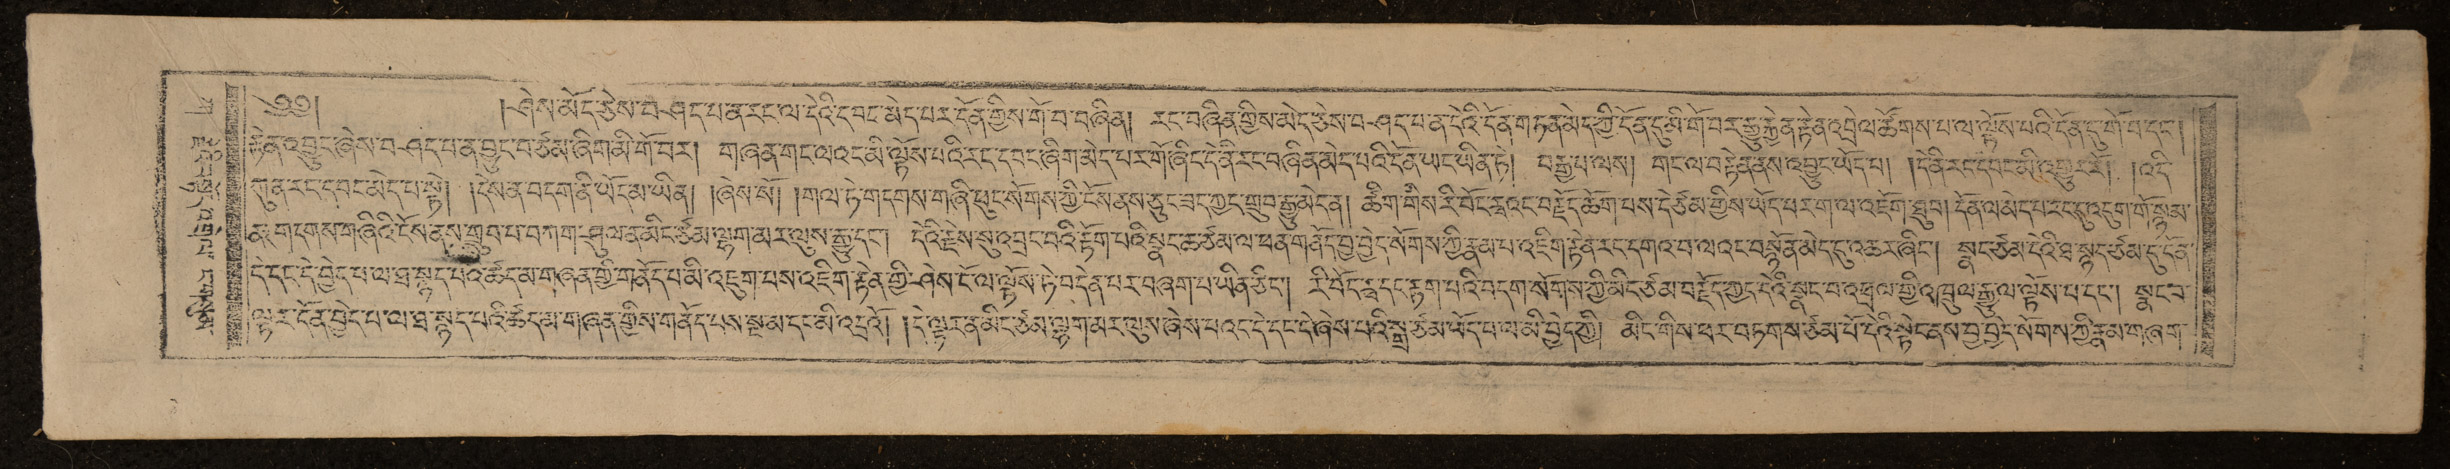༄༅། །ཤེས་མོད་ཅེས་བཤད་བ་ན་རང་ལ་དེའི་དབང་མེད་བར་དོན་གྱིས་གོ་བ་བཞིན། རང་བཞིན་གྱིས་མེད་ཅེས་བཤད་པ་ན་དེའི་དོན་གཏན་མེད་ཀྱི་དོན་དུ་མི་གོ་བར་རྒྱུ་རྐྱེན་རྟེན་འབྲེལ་ཚོགས་པ་ལ་ལྟོས་བའི་དོན་དུ་གོ་བ་དང་།
རྟེན་འབྱུང་ཞེས་བཤད་པ་ན་བྱུང་བ་ཙམ་ཞིག་མི་གོ་བར། གཞན་གང་ལའང་མི་ལྟོས་པའི་རང་དབང་ཞིག་མེད་པར་གོ་ཞིང་དེ་ནི་རང་བཞིན་མེད་པའི་དོན་ཡང་ཡིན་ཏེ། བརྒྱ་བ་ལས། གང་ལ་བརྟེན་ནས་འབྱུང་ཡོད་བ། །དེ་ནི་རང་དབང་མི་འགྱུར་རོ། །འདི་
ཀུན་རང་དབང་མེད་པ་སྟེ། །དེས་ན་བདག་ནི་ཡོད་མ་ཡིན། །ཞེས་སོ། །གལ་ཏེ་གདགས་གཞི་ཕུང་སོགས་ཀྱི་ངོས་ནས་ཅུང་ཟད་ཀྱང་གྲུབ་རྒྱུ་མེད་ན། ཚིག་གིས་རི་བོང་རའང་བརྗོད་ཆོག་བས་དེ་ཙམ་གྱིས་ཡོད་བར་ག་ལ་འཇོས་ཐུག་དོན་ལ་མེད་བ་རང་དུ་འདུག་གོ་སྙམ་
ན༑ གདགས་གཞིའི་ངོས་ནས་གྲུབ་བ་འགག་ཤུལ་ན་མིང་ཙམ་ལྷག་མར་ལུས་རྒྱུ་དང་། དེའི་རྗེས་སུ་འབྱུང་བའི་རྟོག་པའི་སྣང་ཆ་ཙམ་ལ་ཕན་གནོད་བྱ་བྱེད་སོགས་ཀྱི་རྣམ་བ་འཇིག་རྟེན་རང་དགའ་བ་ལའང་བསྙོན་མེད་དུ་འཆར་ཞིང་། སྣང་ཙམ་དེའི་ཐ་སྙད་ཙམ་དུ་དོན་
དེ་དང་དེ་བྱེད་པ་ལ་ཐ་སྙད་བའི་ཚད་མ་གཞན་གྱི་གནོད་བ་མི་འཇུག་པས་འཇིག་རྟེན་གྱི་ཤེས་ངོ་ལ་ལྟོས་ཏེ་བདེན་བར་བཞག་བ་ཡིན་ཅིང་། རི་བོང་རྭ་དང་རྟག་བའི་བདག་སོགས་ཀྱི་མིང་ཙམ་བརྗོད་ཀྱང་དེའི་སྣང་བ་འཕྲལ་གྱི་འཁྲུལ་རྒྱུ་ལ་ལྟོས་པ་དང་། སྣང་བ་
ལྟར་དོན་བྱེད་པ་ལ་ཐ་སྙད་བའི་ཚད་མ་གཞན་གྱིས་གནོད་བས་སྔ་མ་དང་མི་འདྲའོ། །དེ་ལྟར་ན་མིང་ཙམ་ལྷག་མར་ལུས་ཞེས་བའང་དེ་དང་དེ་ཞེས་པའི་སྒྲ་ཙམ་ཡོད་པ་ལ་མི་བྱེད་ཀྱི། མིང་གིས་ཕར་བཏགས་ཙམ་པོ་དེའི་སྟེང་ནས་བྱ་བྱེད་སོགས་ཀྱི་རྣམ་གཞག་